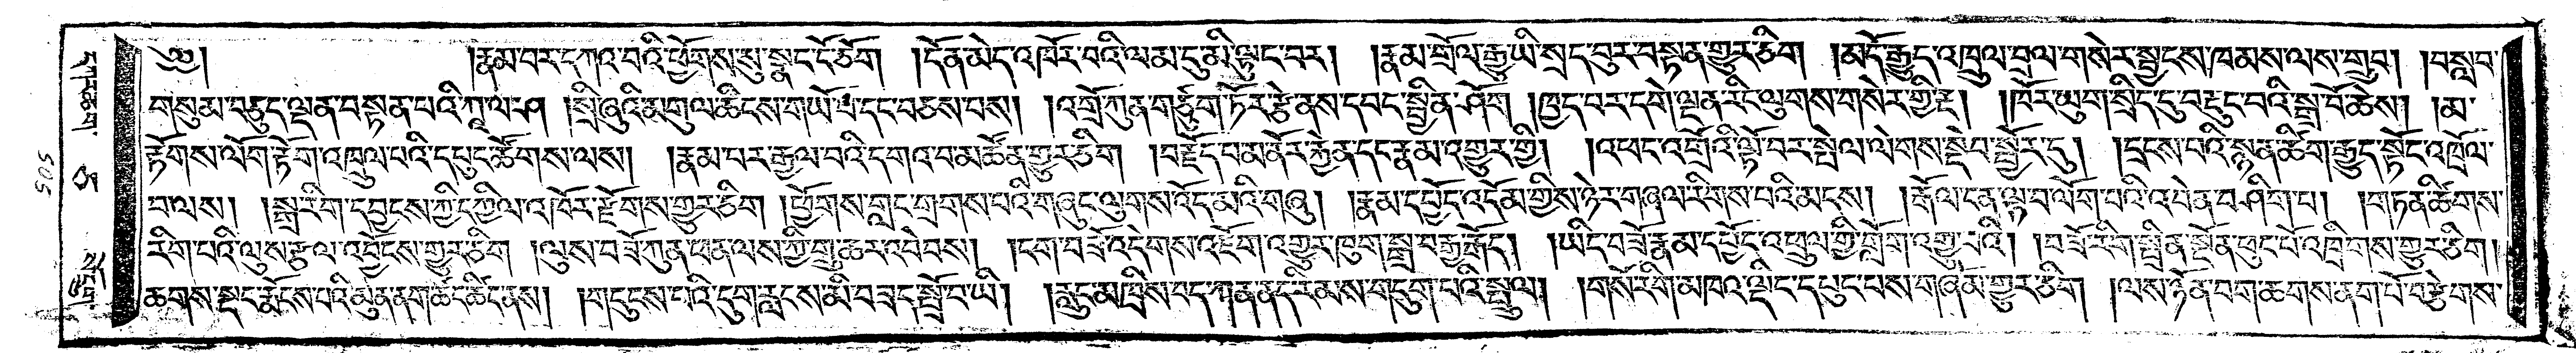༄༅། །རྣམ་བར་དཀའ་བའི་ཕྱོགས་སུ་སྣང་ངོ་ཅོག །དོན་མེད་འཁོར་བའི་ལམ་དུ་མི་ལྟུང་བར། །རྣམ་གྲོལ་རྒྱུ་ཡི་སྲད་བུར་བསྟན་གྱུར་ཅིག །མདོ་རྒྱུད་འཁྲུལ་བྲལ་གསེར་སྦྱངས་ཁམས་ལས་གྲུབ། །བསླབ་
གསུམ་བཅུད་ལྡན་བསྟན་པའི་ཀཱ་ལ་ཤ་།སྲི་ཞུའི་མགུལ་ཆིངས་གཡོ་བ་དང་བཅས་བས། །འགྲོ་ཀུན་གཙུག་ཏོར་རྩེ་ནས་དབང་སྦྱིན་ཤོག །ཁྱད་པར་དགེ་ལྡན་རིང་ལུགས་གསེར་གྱི་རྔ། །ཁོར་ཡུག་སྲིད་དུ་བརྡུང་བའི་སྒྲ་པོ་ཆེས། །མ་
རྟོགས་ལོག་རྟོག་འཁྲུལ་བའི་དཔུང་ཚོགས་ལས། །རྣམ་པར་རྒྱལ་བའི་དགའ་བ་མཚོན་གྱུར་ཅིག །བརྗོད་བ་མནོར་རྐྱེན་དང་རྣམ་འགྱུར་གྱི། །འཕང་འགྲོའི་ལྟོ་བར་སྤེལ་ལེགས་སྡེབ་སྦྱོར་དུ། །དྲངས་བའི་སྙན་ཚིག་རྒྱུད་སྟོང་འཁྲོལ་
བ་ལས། །སྒྲ་རིག་དབྱངས་ཀྱི་དཀྱིལ་འཁོར་རྫོགས་གྱུར་ཅིག །ཕྱོགས་གླང་གྲགས་པའི་གཞུང་ལུགས་འོད་མའི་གཞུ། །རྣམ་དབྱོད་འདོམ་གྱིས་ཉེར་གཞལ་རིགས་པའི་མངས། །རྒོལ་ངན་ལྟ་བ་ལོག་བའི་འབེན་བཤིག་པ། །གཏན་ཚིགས་
རིག་པའི་ལུས་རྩལ་འབྱོངས་གྱུར་ཅིག །ལུས་བཟོ་ཀུན་ཕན་ལས་ཀྱི་གྲུབ་ཆར་འཕེབས། །ངག་བཟོ་འདེགས་འཇོག་འགྱུར་ཁུག་སྒྲ་བརྒྱ་རྒོད། །ཡིད་བཟོ་རྣམ་དཔྱོང་འཕྲུལ་གྱི་གློག་འགྱུར་བའི། །བཟོ་རིག་སྤྲིན་སྔོན་ཕུང་པོ་འཁྲིགས་གྱུར་ཅིག།
ཆགས་སྡང་རྨོངས་བའི་མུན་ནག་ཆེད་ཚིང་ནས། །གདུངས་བའི་དུག་རླངས་མི་བཟད་སྤྲོ་བ་ཡི། །རླུང་མཁྲིས་བད་ཀན་ནད་རིམས་གདུག་པའི་སྤྲུལ། །གསོ་རིག་མཁའ་ལྡིང་དཔུང་པས་གཞོམ་གྱུར་ཅིག །ལས་ཉོན་བག་ཆགས་ནག་པོ་བརྩེགས་